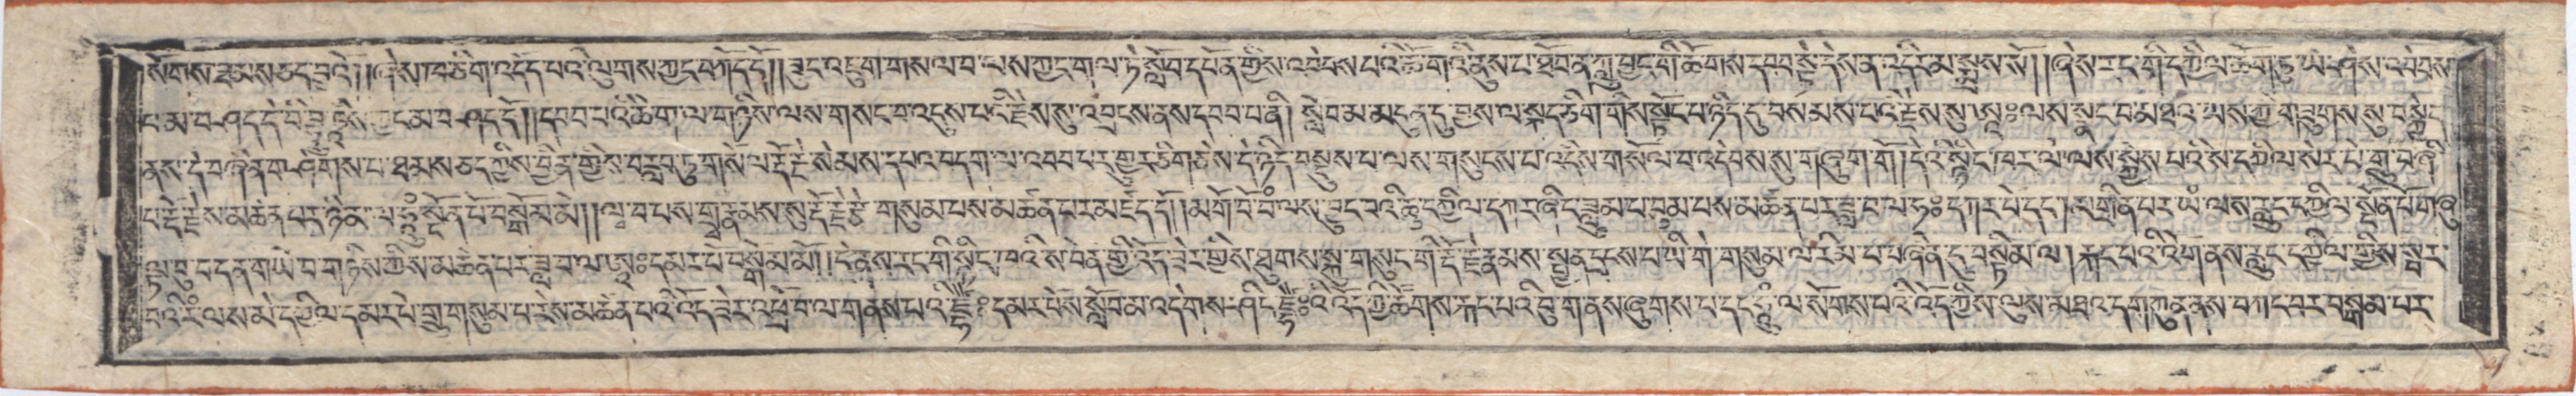སོགས་ཐམས་ཅད་བྱའོ། །ཞེས་ཁ་ཅིག་འདོད་པའི་ལུགས་ཀྱང་བཀོད་དོ། །ཟུང་འཇུག་གསལ་བ་ལས་ཀྱང་གལ་ཏེ་སློབ་དཔོན་གྱིས་འབེབས་པའི་ཆོ་གའི་ནུས་པ་ཐོབ་ན་ཀླུ་བྱང་གི་ཆོ་གས་དབབ་སྟེ་དེས་ན་འདིར་མ་སྨྲས་སོ། །ཞེས་རང་གི་དཀྱིལ་ཆོག་ཏུ་ཡེ་ཤེས་འབེབས་
པ་མ་བཤད་དེ་བི་བྷཱུ་ཏཱིས་ཀྱང་མ་བཤད་དོ། །དབབ་པའི་ཆོ་ག་ལ་གཉིས་ལས་གསང་བ་འདུས་པའི་རྗེས་སུ་འབྲངས་ནས་དབབ་པ་ནི། སློབ་མ་མདུན་དུ་བྱས་ལ་སྐད་ཅིག་གིས་སྟོང་པ་ཉིད་དུ་བསམས་པའི་རྗེས་སུ་ཨཱཿ ལས་སྣང་བ་མཐའ་ཡས་ཀྱི་གཟུགས་སུ་བསྐྱེད་
ནས་དེ་བཞིན་གཤེགས་པ་ཐམས་ཅད་ཀྱིས་བྱིན་གྱིས་བརླབ་ཏུ་གསོལ་རྡོ་རྗེ་སེམས་དཔའ་བདག་ལ་འབབ་པར་གྱུར་ཅིག་ཅེས་དེ་ཉིད་བསྡུས་པ་ལས་གསུངས་པ་འདིས་གསོལ་བ་འདེབས་སུ་གཞུག་གོ། དེའི་སྙིང་ཁར་ལཾ་ལས་སྐྱེས་པའི་ས་དཀྱིལ་སེར་པོ་གྲུ་བཞི་
པ་རྡོ་རྗེས་མཚན་པར་ཉི་མ་ལ་ཧཱུཾ་སྔོན་པོ་བསྒོམ་མོ། །ལྭ་བ་པས་གྲྭ་རྣམས་སུ་རྡོ་རྗེ་རྩེ་གསུམ་པས་མཚན་པར་མཛད་དོ། །མགོ་བོ་བཾ་ལས་བྱུང་བའི་ཆུ་དཀྱིལ་དཀར་ཞིང་ཟླུམ་པ་བུམ་པས་མཚན་པར་ཟླ་བ་ལ་ཧཿ དཀར་པོ་དང་། མགྲིན་པར་ཡཾ་ལས་རླུང་དཀྱིལ་སྔོན་པོ་
ལྟ་བུ་བ་དན་གཡོ་བ་གཉིས་ཀྱིས་མཚན་པར་ཟླ་བ་ལ་ཨཱཿ དམར་པོ་བསྒོམ་མོ། །དེ་ནས་རང་གི་སྙིང་ཁའི་ས་བོན་གྱི་འོད་ཟེར་གྱིས་ཐུགས་སྐུ་གསུང་གི་རྡོ་རྗེ་རྣམས་སྤྱན་དྲངས་པ་ཡི་གེ་གསུམ་ལ་རིམ་པ་བཞིན་དུ་བསྟིམ་ལ། རྐང་པའི་འོག་ནས་རླུང་དཀྱིལ་གྱིས་སྔར་
བའི་རཾ་ལས་མེ་དཀྱིལ་དམར་པོ་གྲུ་གསུམ་པ་རེས་མཚན་པའི་འོད་ཟེར་འཕྲོ་བ་ལ་གནས་པའི་ཛྷཻཿ དམར་པོས་སློབ་མ་འདེགས་ཤིང་ཛྷཻཿ འི་འོད་ཀྱི་ཚོགས་རྐང་པའི་བུ་ག་ནས་ཞུགས་པ་དང་ཧཱུཾ་ལ་སོགས་པའི་འོད་ཀྱིས་ལུས་མཐའ་དག་ཀུན་ནས་བཀང་བར་བསྒོམ་པར་